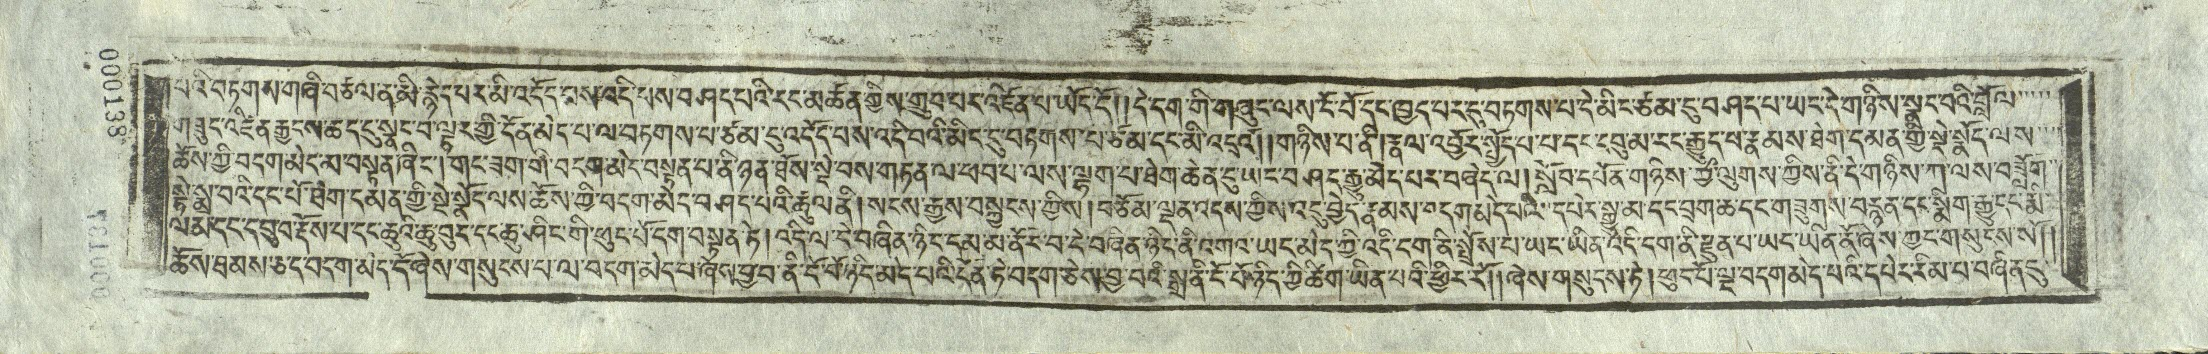པའི་བཏགས་གཞི་བཙལ་ན་མི་རྙེད་པར་མི་འདོད་པས་འདི་པས་བཤད་པའི་རང་མཚན་གྱིས་གྲུབ་པར་འཛིན་པ་ཡོད་དོ། །དེ་དག་གི་གཞུང་ལས་ངོ་བོ་དང་ཁྱད་པར་དུ་བཏགས་པ་དེ་?་མིང་ཙམ་དུ་བཤད་པ་ཡང་དེ་གཉིས་སྣང་བའི་བློ་ལ་
གཟུང་འཛིན་རྒྱུངས་ཆད་དུ་སྣང་བ་ལྟར་གྱི་དོན་མེད་པ་ལ་བཏགས་པ་ཙམ་དུ་འདོད་པས་འདི་པའི་མིང་དུ་བཏགས་པ་ཙམ་དང་མི་འདྲའོ། །གཉིས་པ་ནི། རྣལ་འབྱོར་སྤྱོད་པ་པ་དང་དབུ་མ་རང་རྒྱུད་པ་རྣམས་ཐེག་དམན་གྱི་སྡེ་སྣོད་ལས་
ཆོས་ཀྱི་བདག་མེད་མ་བསྟན་ཞིང་། གང་ཟག་གི་བདག་མེད་བསྟན་པ་ནི་ཉན་ཐོས་སྡེ་པས་གཏན་ལ་ཕབ་པ་ལས་ལྷག་པ་ཐེག་ཆེན་དུ་ཡང་བཤད་རྒྱུ་མེད་པར་བཞེད་ལ། སློབ་དཔོན་གཉིས་ཀྱི་ལུགས་ཀྱིས་ནི་དེ་གཉིས་ཀ་ལས་བཟློག་
སྟེ་སྨྲ་བའི་དང་པོ་ཐེག་དམན་གྱི་སྡེ་སྣོད་ལས་ཆོས་ཀྱི་བདག་མེད་བཤད་པའི་ཚུལ་ནི། སངས་རྒྱས་བསྐྱངས་ཀྱིས། བཅོམ་ལྡན་འདས་ཀྱིས་འདུ་བྱེད་རྣམས་བདག་མེད་པའི་དཔེར་སྒྱུ་མ་དང་བྲག་ཆ་དང་གཟུགས་བརྙན་དང་སྨིག་རྒྱུ་དང་རྨི་
ལམ་དང་དངུལ་རྡོས་པ་དང་ཆུའི་ཆུ་བུར་དང་ཆུ་ཤིང་གི་ཕུང་པོ་དག་བསྟན་ཏེ། འདི་ལ་དེ་བཞིན་ཉིད་དམ་མ་ནོར་བ་དེ་བཞིན་ཉིད་ནི་འགའ་ཡང་མེད་ཀྱི་འདི་དག་ནི་སྤྲོས་པ་ཡང་ཡིན་འདི་དག་ནི་རྫུན་པ་ཡང་ཡིན་ནོ་ཞེས་ཀྱང་གསུངས་སོ། །
ཆོས་ཐམས་ཅད་བདག་མེད་དོ་ཞེས་གསུངས་པ་ལ་བདག་མེད་པ་ཞེས་བྱ་བ་ནི་ངོ་བོ་ཉིད་མེད་པའི་དོན་ཏེ་བདག་ཅེས་བྱ་བའི་སྒྲ་ནི་ངོ་བོ་ཉིད་ཀྱི་ཚིག་ཡིན་པའི་ཕྱིར་རོ། །ཞེས་གསུངས་ཏེ། ཕུང་པོ་ལྔ་བདག་མེད་པའི་དཔེར་རིམ་པ་བཞིན་དུ་